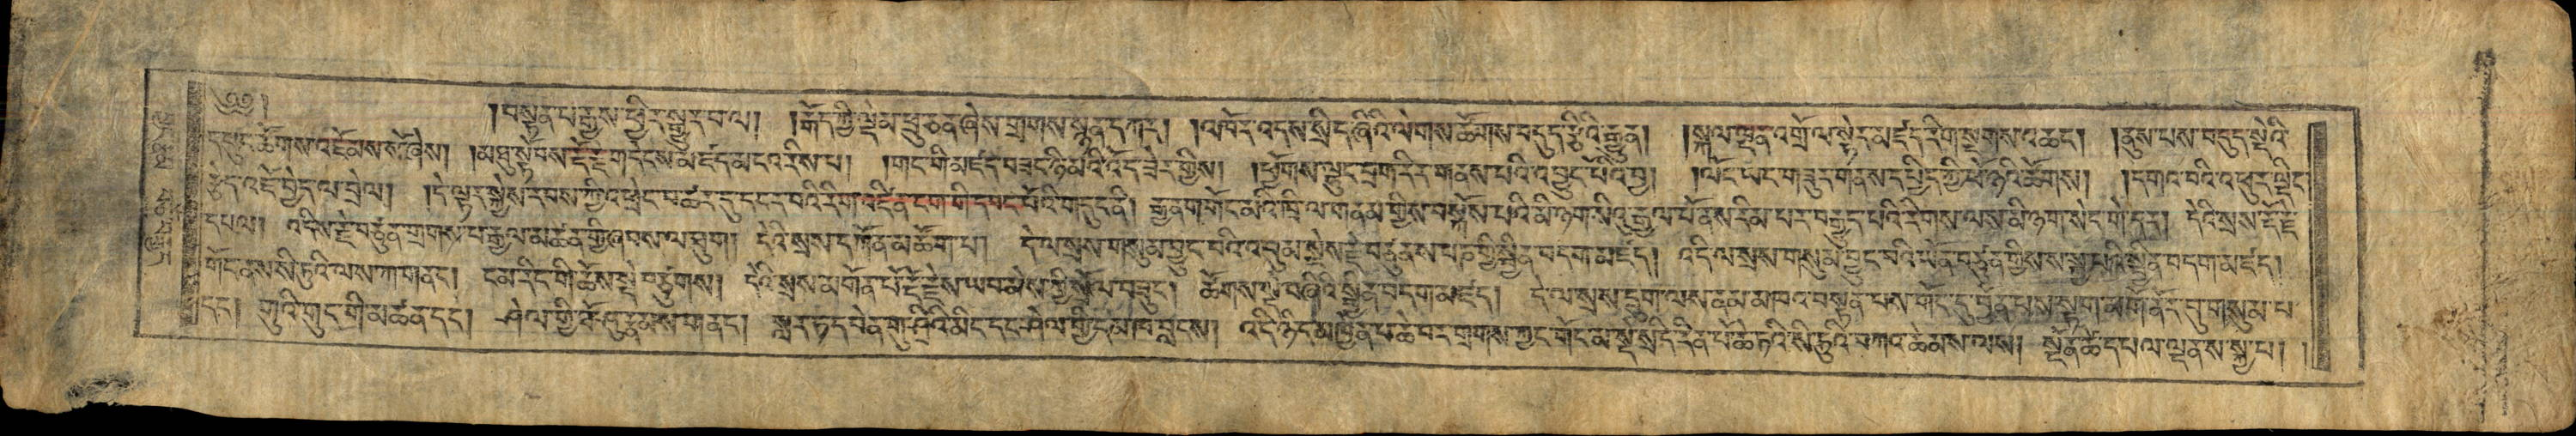༄༅། །བསྟན་པ་རྒྱས་ཕྱིར་སྒྱུར་བ་ལ། །རྒོད་ཀྱི་ལྡེམ་ཕྲུ་ཅན་ཞེས་གྲགས་སྙན་དཀར། །འཁོར་འདས་སྲིད་ཞིའི་ལེགས་ཚོགས་བདུད་རྩིའི་རྒྱུན། །སྐལ་ལྡན་འགྲོ་ལ་སྟེར་མཛད་རིག་སྔགས་འཆང་། །ནུས་པས་བདུད་སྡེའི་
དཔུང་ཆོགས་འཇོམས་སོ་ཞེས། །མཐུ་སྟོབས་རྡོ་རྗེ་གདེངས་མཛད་མངའ་རིས་པ། །གང་གི་མཛད་བཟང་ཉི་མའི་འོད་ཟེར་གྱིས། །ཕྱོགས་ལྷུང་བྲག་རིར་གནས་པའི་འབྱུང་བོའི་བྱ། །ལོང་ཡང་གཟུར་གནས་དཔྱིད་ཀྱི་ཕོ་ཉའི་ཚོགས། །དགའ་བའི་འཕུར་ལྡིང་
རྩེད་འཇོ་བྱེད་ལ་བྲེལ། །དེ་ལྟར་སྐྱེས་རབས་ཀྱི་འཕྲེང་བ་ཚར་དུ་དངར་བའི་རིག་འཛིན་ངག་གི་དབང་པོའི་གདུང་ནི། རྒྱ་ནག་གོང་མའི་ཁྲི་ལ་གནམ་གྱིས་བསྐོས་པའི་མི་ཉག་སིའུ་རྒྱལ་པོ་ནས་རིམ་པར་བརྒྱུད་པའི་རིགས་ལས་མི་ཉག་སེང་གེ་དར། དེའི་སྲས་རྡོ་རྗེ་
དཔལ། འདིས་རྗ་བཅུན་གྲགས་པ་རྒྱལ་མཚན་གྱི་ཞབས་ལ་ཐུག། དེའི་སྲས་དཀོན་མཆོག་པ། དེ་ལ་སྲས་གསུམ་བྱུང་བའི་འབུམ་སྡེས་རྗེ་བཙུན་ས་པཎ་གྱི་སྦྱིན་བདག་མཛད། འདི་ལ་སྲས་གསུམ་བྱུང་བའི་ཡོན་བཙུན་གྱིས་ས་སྐྱ་བའི་སྦྱིན་བདག་མཛད།
གོང་ནས་སི་ཏུའི་ལས་ཀ་གནང་། ངམ་རིང་གི་ཆོས་སྡེ་བཙུགས། དེའི་སྲས་མགོན་པོ་རྡོ་རྗེས་ཡབ་མེས་ཀྱི་སྲོལ་བཟུང་། ཚོགས་སྡེ་བཞིའི་སྦྱིན་བདག་མཛད། དེ་ལ་སྲས་དྲུག་ལས་ནམ་མཁའ་བསྟན་པས་གོང་དུ་བྱོན་པས་སྟག་མགོ་ནོར་བུ་གསུམ་པ་
དང་། གུའི་གུང་གི་མཚན་དང་། ཤེལ་གྱི་ཐོ་ཤུ་རྣམས་གནང་། སླར་ཏ་དབེན་གུ་ཤྲིའི་མིང་དང་ཤེལ་གྱི་དམ་ཁ་བླངས། འདི་ཉིད་མཁྱེན་པ་ཆེ་བར་གྲགས་ཀྱང་གོང་མ་སྡེ་སྲིད་རིན་པོ་ཆེ་ཏའི་སི་ཏུའི་བཀའ་ཆེམས་ལས། སྔོན་ཚེ་དཔལ་ལྡན་ས་སྐྱ་བ།